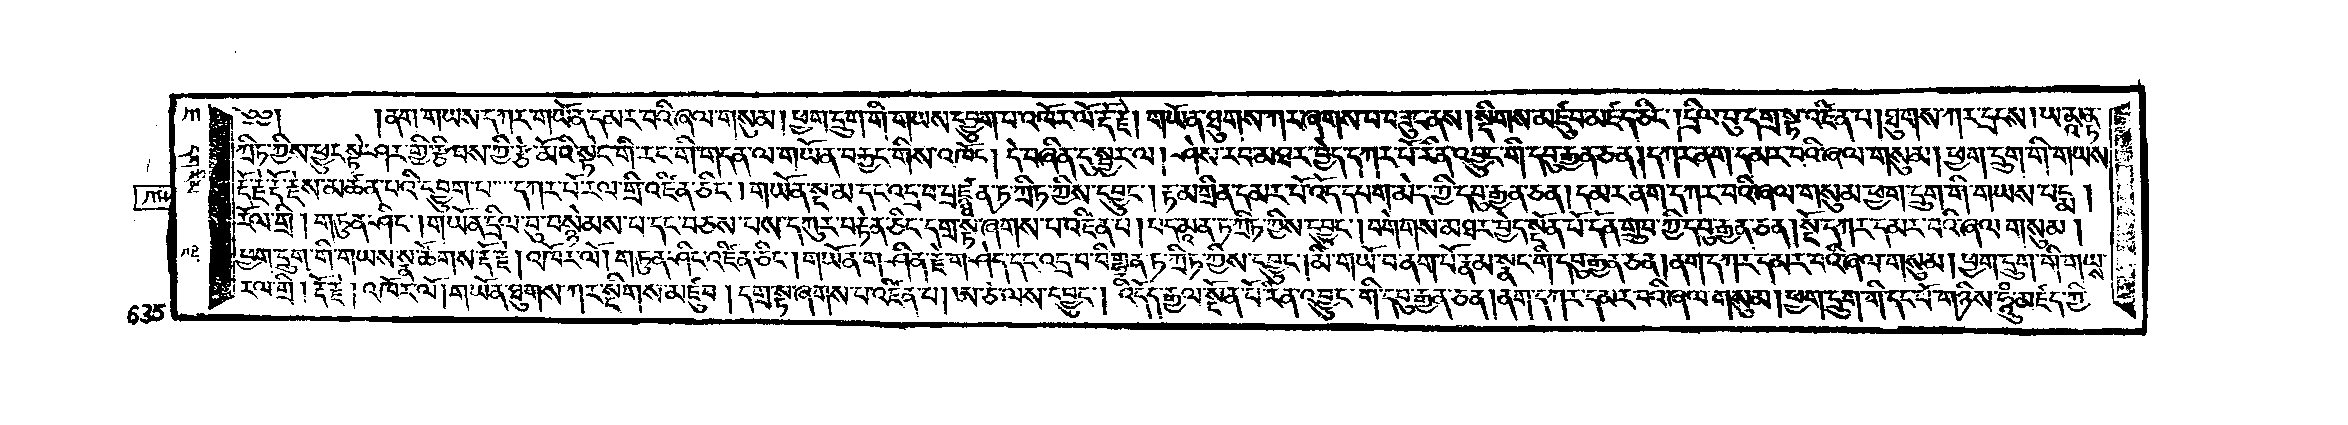༄༅། །ནག་གཡས་དཀར་གཡོན་དམར་བའི་ཞལ་གསུམ། ཕྱག་དྲུག་གིས་གཡས་དབྱུག་པ་འཁོར་ལོ་རྡོ་རྡེ། གཡོན་ཐུགས་ཀར་ཞགས་པ་བཟུང་ནས། སྡིགས་མཛུབ་མཛད་ཅིང་། དྲིལ་བུ་དགྲ་སྟ་འཛིན་པ། ཐུགས་ཀར་དྲངས། ཡ་མཱནྟ་
ཀྲིཏ་ཀྱིས་ཕྱུང་སྟེ་ཤར་གྱི་རྩིབས་ཀྱི་རྩེ་མོའི་སྟེང་གི་རང་གི་གདན་ལ་གཡོན་བརྐྱང་གིས་འཁོད། དེ་བཞིན་དུ་སྦྱར་ལ། ཤེས་རབ་མཐར་བྱེད་དཀར་པོ་རིན་འབྱུང་གི་དབུ་རྒྱན་ཅན། དཀར་ནག་དམར་བའི་ཞལ་གསུམ། ཕྱག་དྲུག་གི་གཡས་
རྡོ་རྗེ་རྡོ་རྗེས་མཚན་པའི་དབྱུག་པ་དཀར་པོ་རལ་གྲི་འཛིན་ཅིང་། གཡོན་སྔ་མ་དང་འདྲ་བ་པྲཛྙཱན་ཏ་ཀྲིཏ་ཀྱིས་དབྱུང་། རྟ་མགྲིན་དམར་པོ་འོད་དཔག་མེད་ཀྱི་དབུ་རྒྱན་ཅན། དམར་ནག་དཀར་བའི་ཞལ་གསུམ་ཕྱག་དྲུག་གི་གཡས་པདམ།
རལ་གྲི། གཏུན་ཤིང་། གཡོན་དྲིལ་བུ་བསྙེམས་པ་དང་བཅས་པས་དཀུར་བརྟེན་ཅིང་དགྲ་སྟ་ཞགས་པ་འཛིན་པ། པད་མཱན་ཏ་ཀྲིཏ་ཀྱིས་དབྱུང་། བགེགས་མཐར་བྱེད་སྔོན་པོ་དོན་གྲུབ་ཀྱི་དབུ་རྒྱན་ཅན། སྔོ་དཀར་དམར་བའི་ཞལ་གསུམ།
ཕྱག་དྲུག་གི་གཡས་སྣ་ཚོགས་རྡོ་རྗེ། འཁོར་ལོ། གཏུན་ཤིང་འཛིན་ཅིང་། གཡོན་གཤིན་རྗེ་གཤེད་དང་འདྲ་བ་བིགྷྣན་ཏ་ཀྲིཏ་ཀྱིས་དབྱུང་། མི་གཡོ་བ་ནག་པོ་རྣམ་སྣང་གི་དབུ་རྒྱན་ཅན། ནག་དཀར་དམར་བའི་ཞལ་གསུམ། ཕྱག་དྲུག་གི་གཡས་
རལ་གྲི། རྡོ་རྗེ། འཁོར་ལོ། གཡོན་ཐུགས་ཀར་སྡིགས་མཛུབ། དགྲ་སྟ་ཞགས་པ་འཛིན་པ། ཨ་ཙ་ལས་དབྱུང་། འདོད་རྒྱལ་སྔོན་པོ་རིན་འབྱུང་གི་དབུ་རྒྱན་ཅན། ནག་དཀར་དམར་བའི་ཞལ་གསུམ། ཕྱག་དྲུག་གི་དང་པོ་གཉིས་ཧཱུཾ་མཛད་ཀྱི་